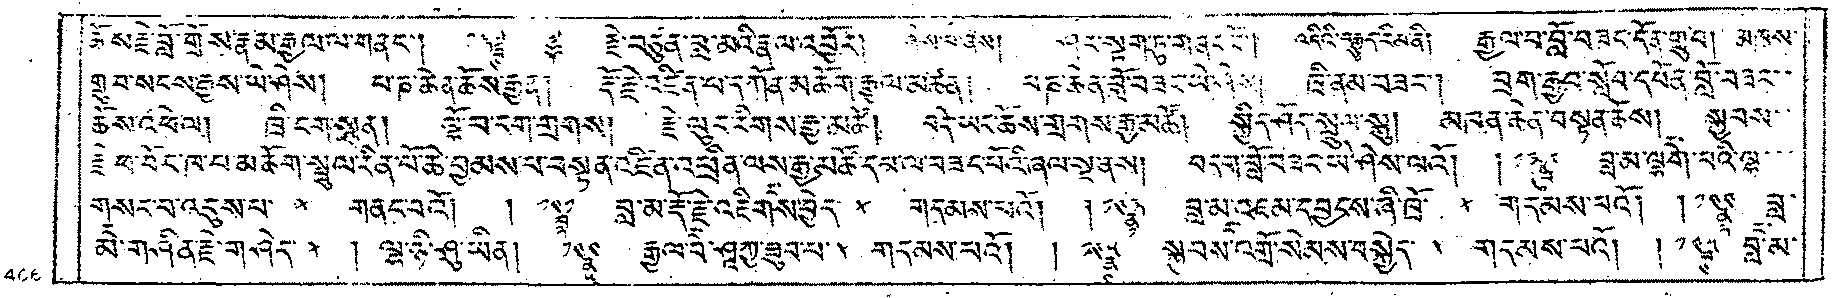ཆོས་རྗེ་བློ་གྲོས་རྣམ་རྒྱལ་ལ་གནང་། ༡༣༧་བ ༤་༈ རྗེ་བཙུན་བླ་མའི་རྣལ་འབྱོར། ཞེས་པ་ནས།  ཤར་སྟག་ཏུ་གནང་ངོ། འདིའི་བརྒྱུད་རིམ་ནི།  རྒྱལ་བ་བློ་བཟང་དོན་གྲུབ། མཁས་
གྲུབ་སངས་རྒྱས་ཡེ་ཤེས། པཎ་ཆེན་ཆོས་རྒྱན། རྡོ་རྗེ་འཛིན་པ་དཀོན་མཆོག་རྒྱལ་མཚན། པཎ་ཆེན་བློ་བཟང་ཡེ་ཤེས། ཁྲི་ནམ་བཟང་། བྲག་རྒྱབ་སློབ་དཔོན་བློ་བཟང་
ཆོས་འཕེལ། ཁྲི་ངག་སྙན། ལྷོ་པ་ངག་གྲགས། རྗེ་ལུང་རིགས་རྒྱ་མཚོ། བདེ་ཡང་ཆོས་གྲགས་རྒྱ་མཚོ། སྐྱིད་ཤོད་སྤྲུལ་སྐུ། མཁན་ཆེན་བསྟན་ཆོས། སྐྱབས་
རྗེ་ཕ་བོང་ཁ་པ་མཆོག་སྤྲུལ་རིན་པོ་ཆེ་བྱམས་པ་བསྟན་འཛིན་འཕྲིན་ལས་རྒྱ་མཚོ་དཔལ་བཟང་པོའི་ཞལ་སྔ་ནས། བདག་བློ་བཟང་ཡེ་ཤེས་ལའོ། །༡༣༩་བ ༦་བླ་མ་ལྷག་ར་པའི་ལྷ་
གསང་བ་འདུས་པ་྾་གནང་བའོ། །༡༤༡་བ ༢་བླ་མ་རྡོ་རྗེ་འཇིགས་ར་བྱེད་྾་གདམས་པའོ། །༡༤༣་ན ༡་བླ་མ་འཇམ་དབྱངས་ཞི་ཁྲོ་྾་གདམས་པའོ། །༡༤༤་ན ༢་བླ་
མ་ར་གཤིན་རྗེ་གཤེད་྾། ལྷ་ཉི་ཤུ་ཡིན། ༡༤༤་ན ༥་རྒྱལ་བ་ར་ཤཱཀྱ་ཐུབ་པ་྾་གདམས་པའོ། །༡༤༥་ན ༤་སྐྱབས་འགྲོ་སེམས་བསྐྱེད་྾་གདམས་པའོ། །༡༤༥་བ ༤་བླ་ར་མ་